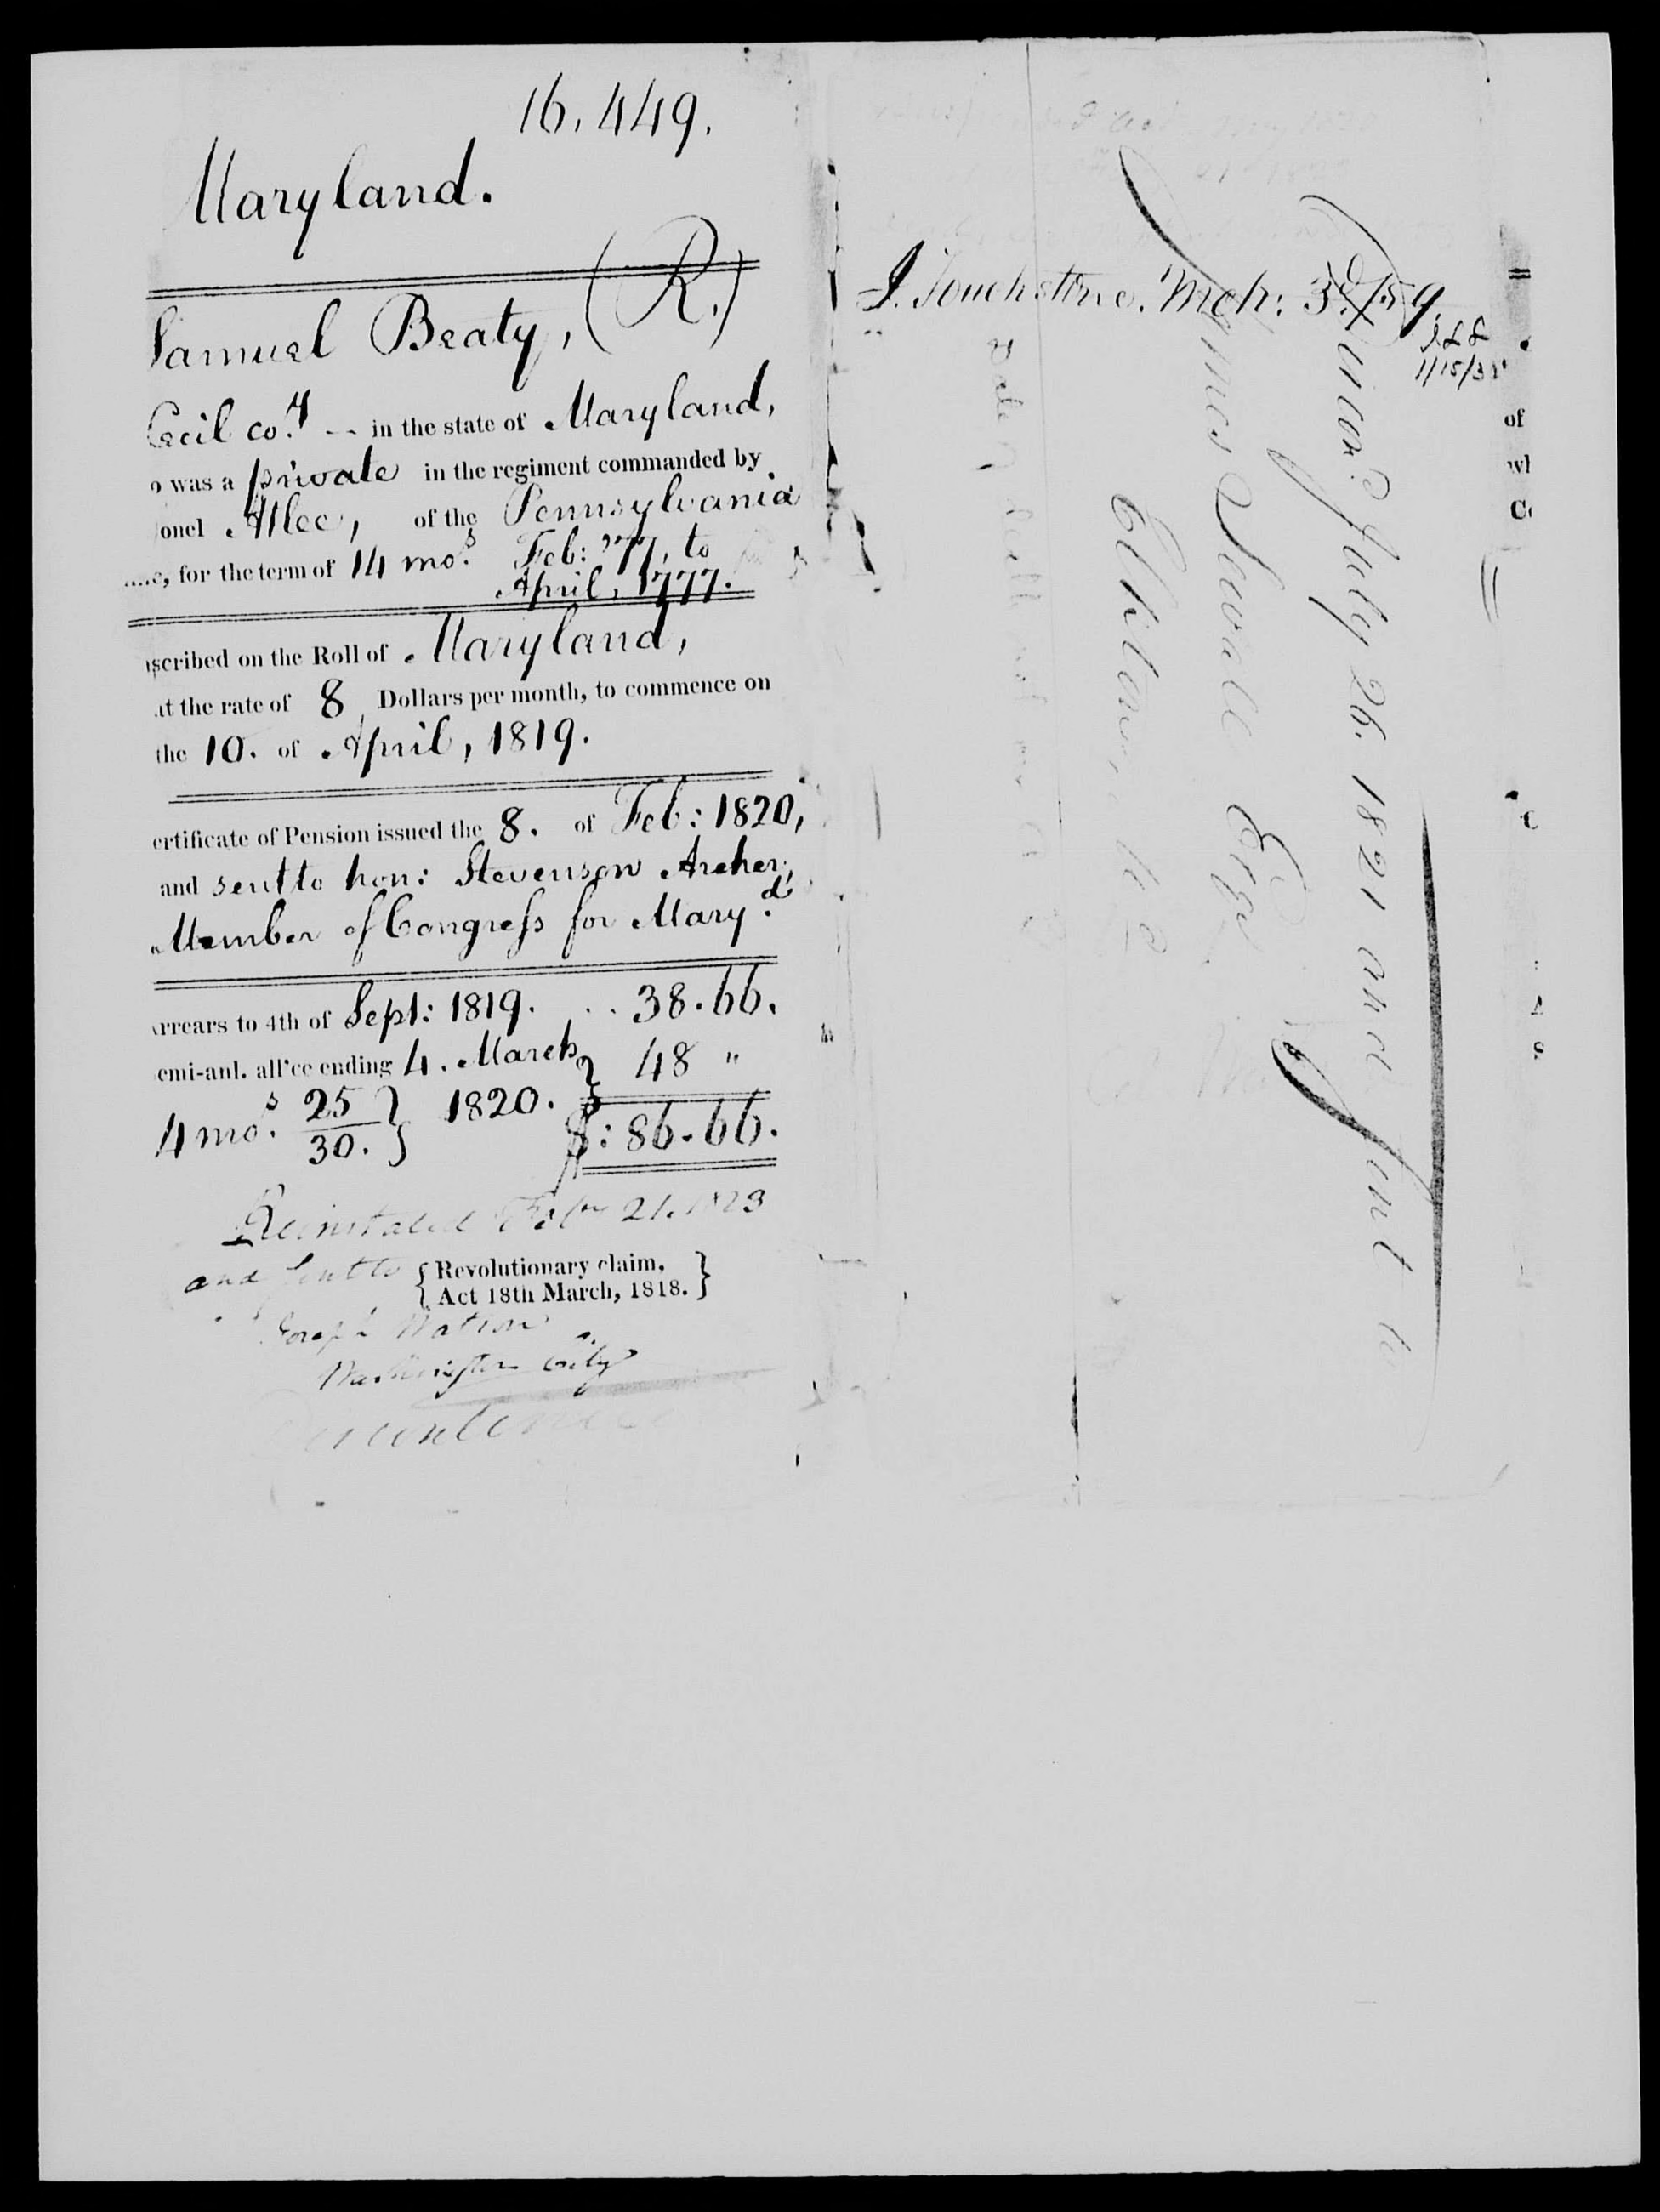16.\,449.
Maryland.

Samuel Beaty, (R) (illegible) co. y in the state of Maryland, who was a private in the regiment commanded by Colonel Atlee, of the Pennsylvania line, for the term of 14 mos. Feb '77 to April 1777 (undoubtedly an error as 14 mos. would end in April 1778) 

prescribed on the Roll of Maryland at the rate of 8 dollars per month, to commence on the 10th of April 1819.

certificate of pension issued the 8th of Feb 1820 and sent to hon. Stevenson Archer, member of Congress for Mary'd.

Arrears to 4th of Sept 1819  38.66
semi-anl allowance ending 4 March 1820 48.66
4 mos 25/30}                $86.66

Reinstated (illegible) 21, 1823
(illegible.....)  {Revolutionary claim, Act 18th March 1818.}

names: Samuel Beaty, Stevenson Archer, J Touchstone, James Sewall, Joseph Watson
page: 2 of 31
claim: survivor's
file: S. 34646, Samuel Beaty, Penn.